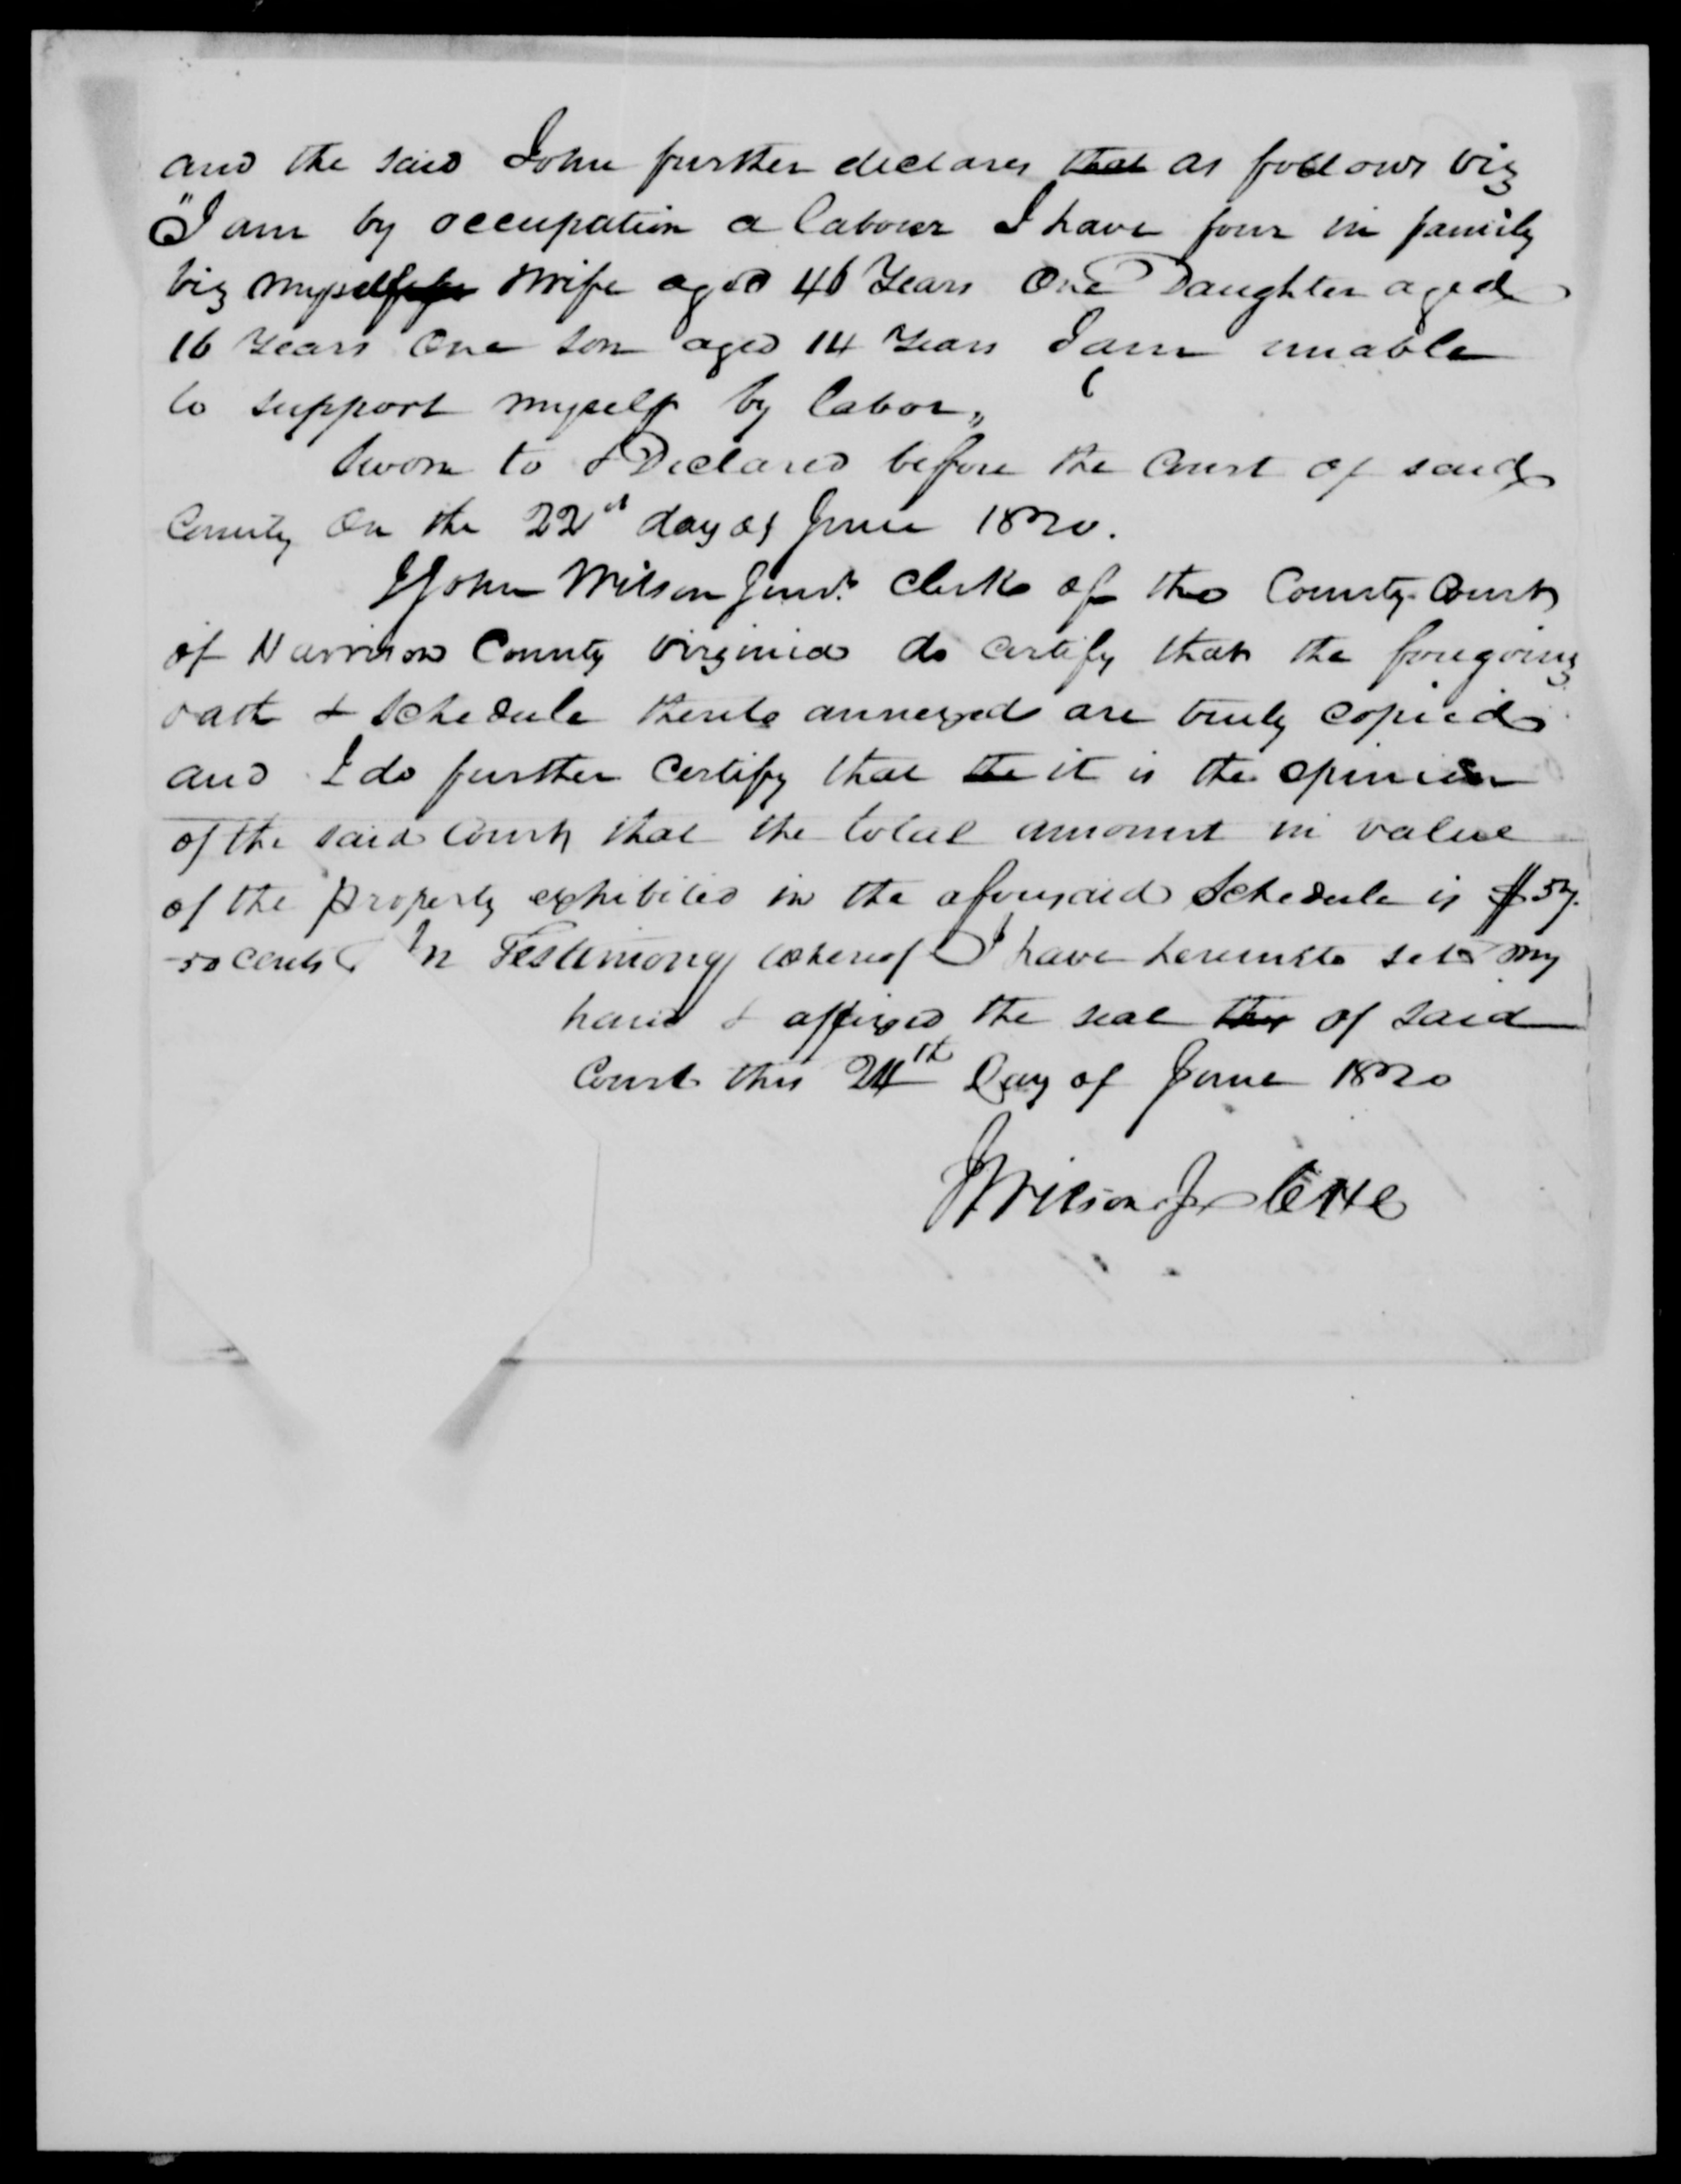and the said John further declares as follows viz
"I am by occupation a labourer I have four in family viz myself & wife aged 46 years one Daughter aged 16 years one son aged 14 years I am unable to support myself by labor"
Sworn to & Declared before the Court of said County on the 22d day of June 1820.
I John Wilson Junr. Clerk of the Count Court of Harrison County Virginia do certify that the foregoing oath & schedule thereto annexed are truly copied and I do further certify that it is the opinion of the said Court that the total amount in value of the property exhibited in the aforesaid Schedule is $57. 50 cents In Testimony whereof I have hereunto set my hand & affixed the seal of said Court this 24th day of June 1820
J Wilson Jr CHC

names: John Wilson; John [BLANK]; J Wilson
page: 8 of 19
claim: survivor's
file: S. 38,409, for John Stackhouse, Virginia